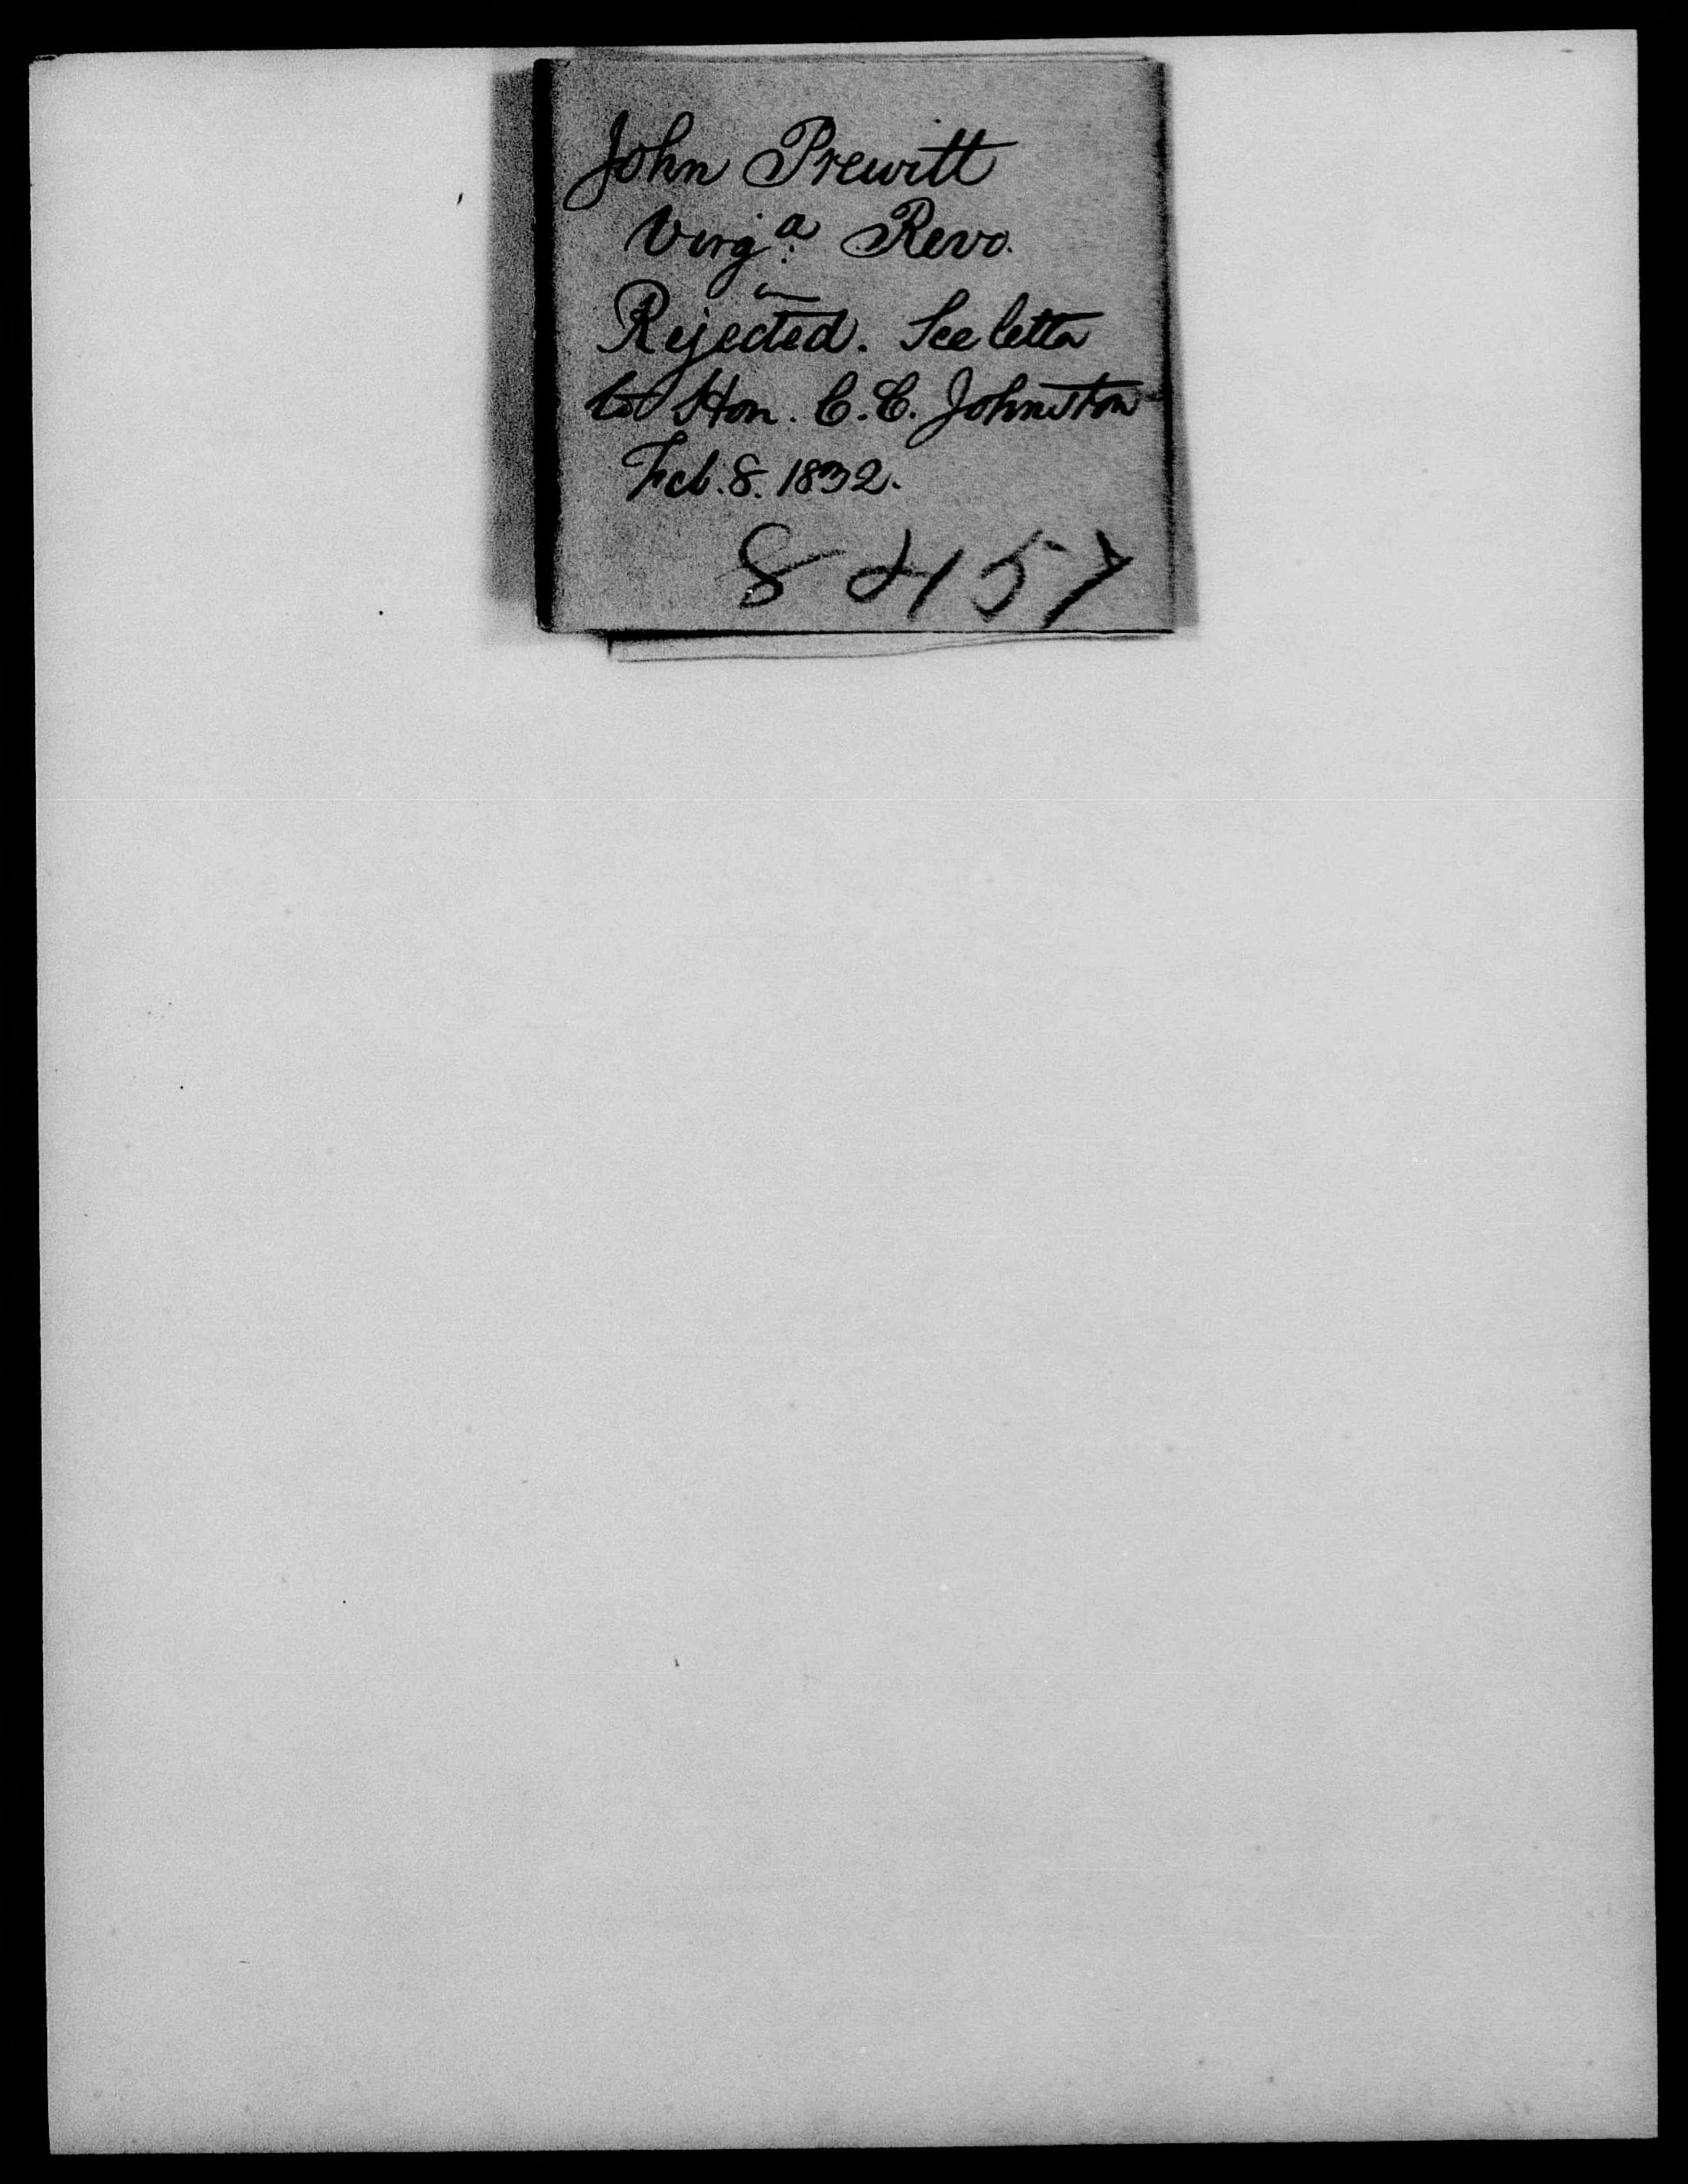John Prewitt
Vrga. Revo.
Rejected. See letter to Hon. C. C. Johnston
Feb. 8. 1832.
8 & 157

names: C C Johnston; John Prewitt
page: 16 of 35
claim: survivor's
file: S. 30,665, for John Prewett, Virginia